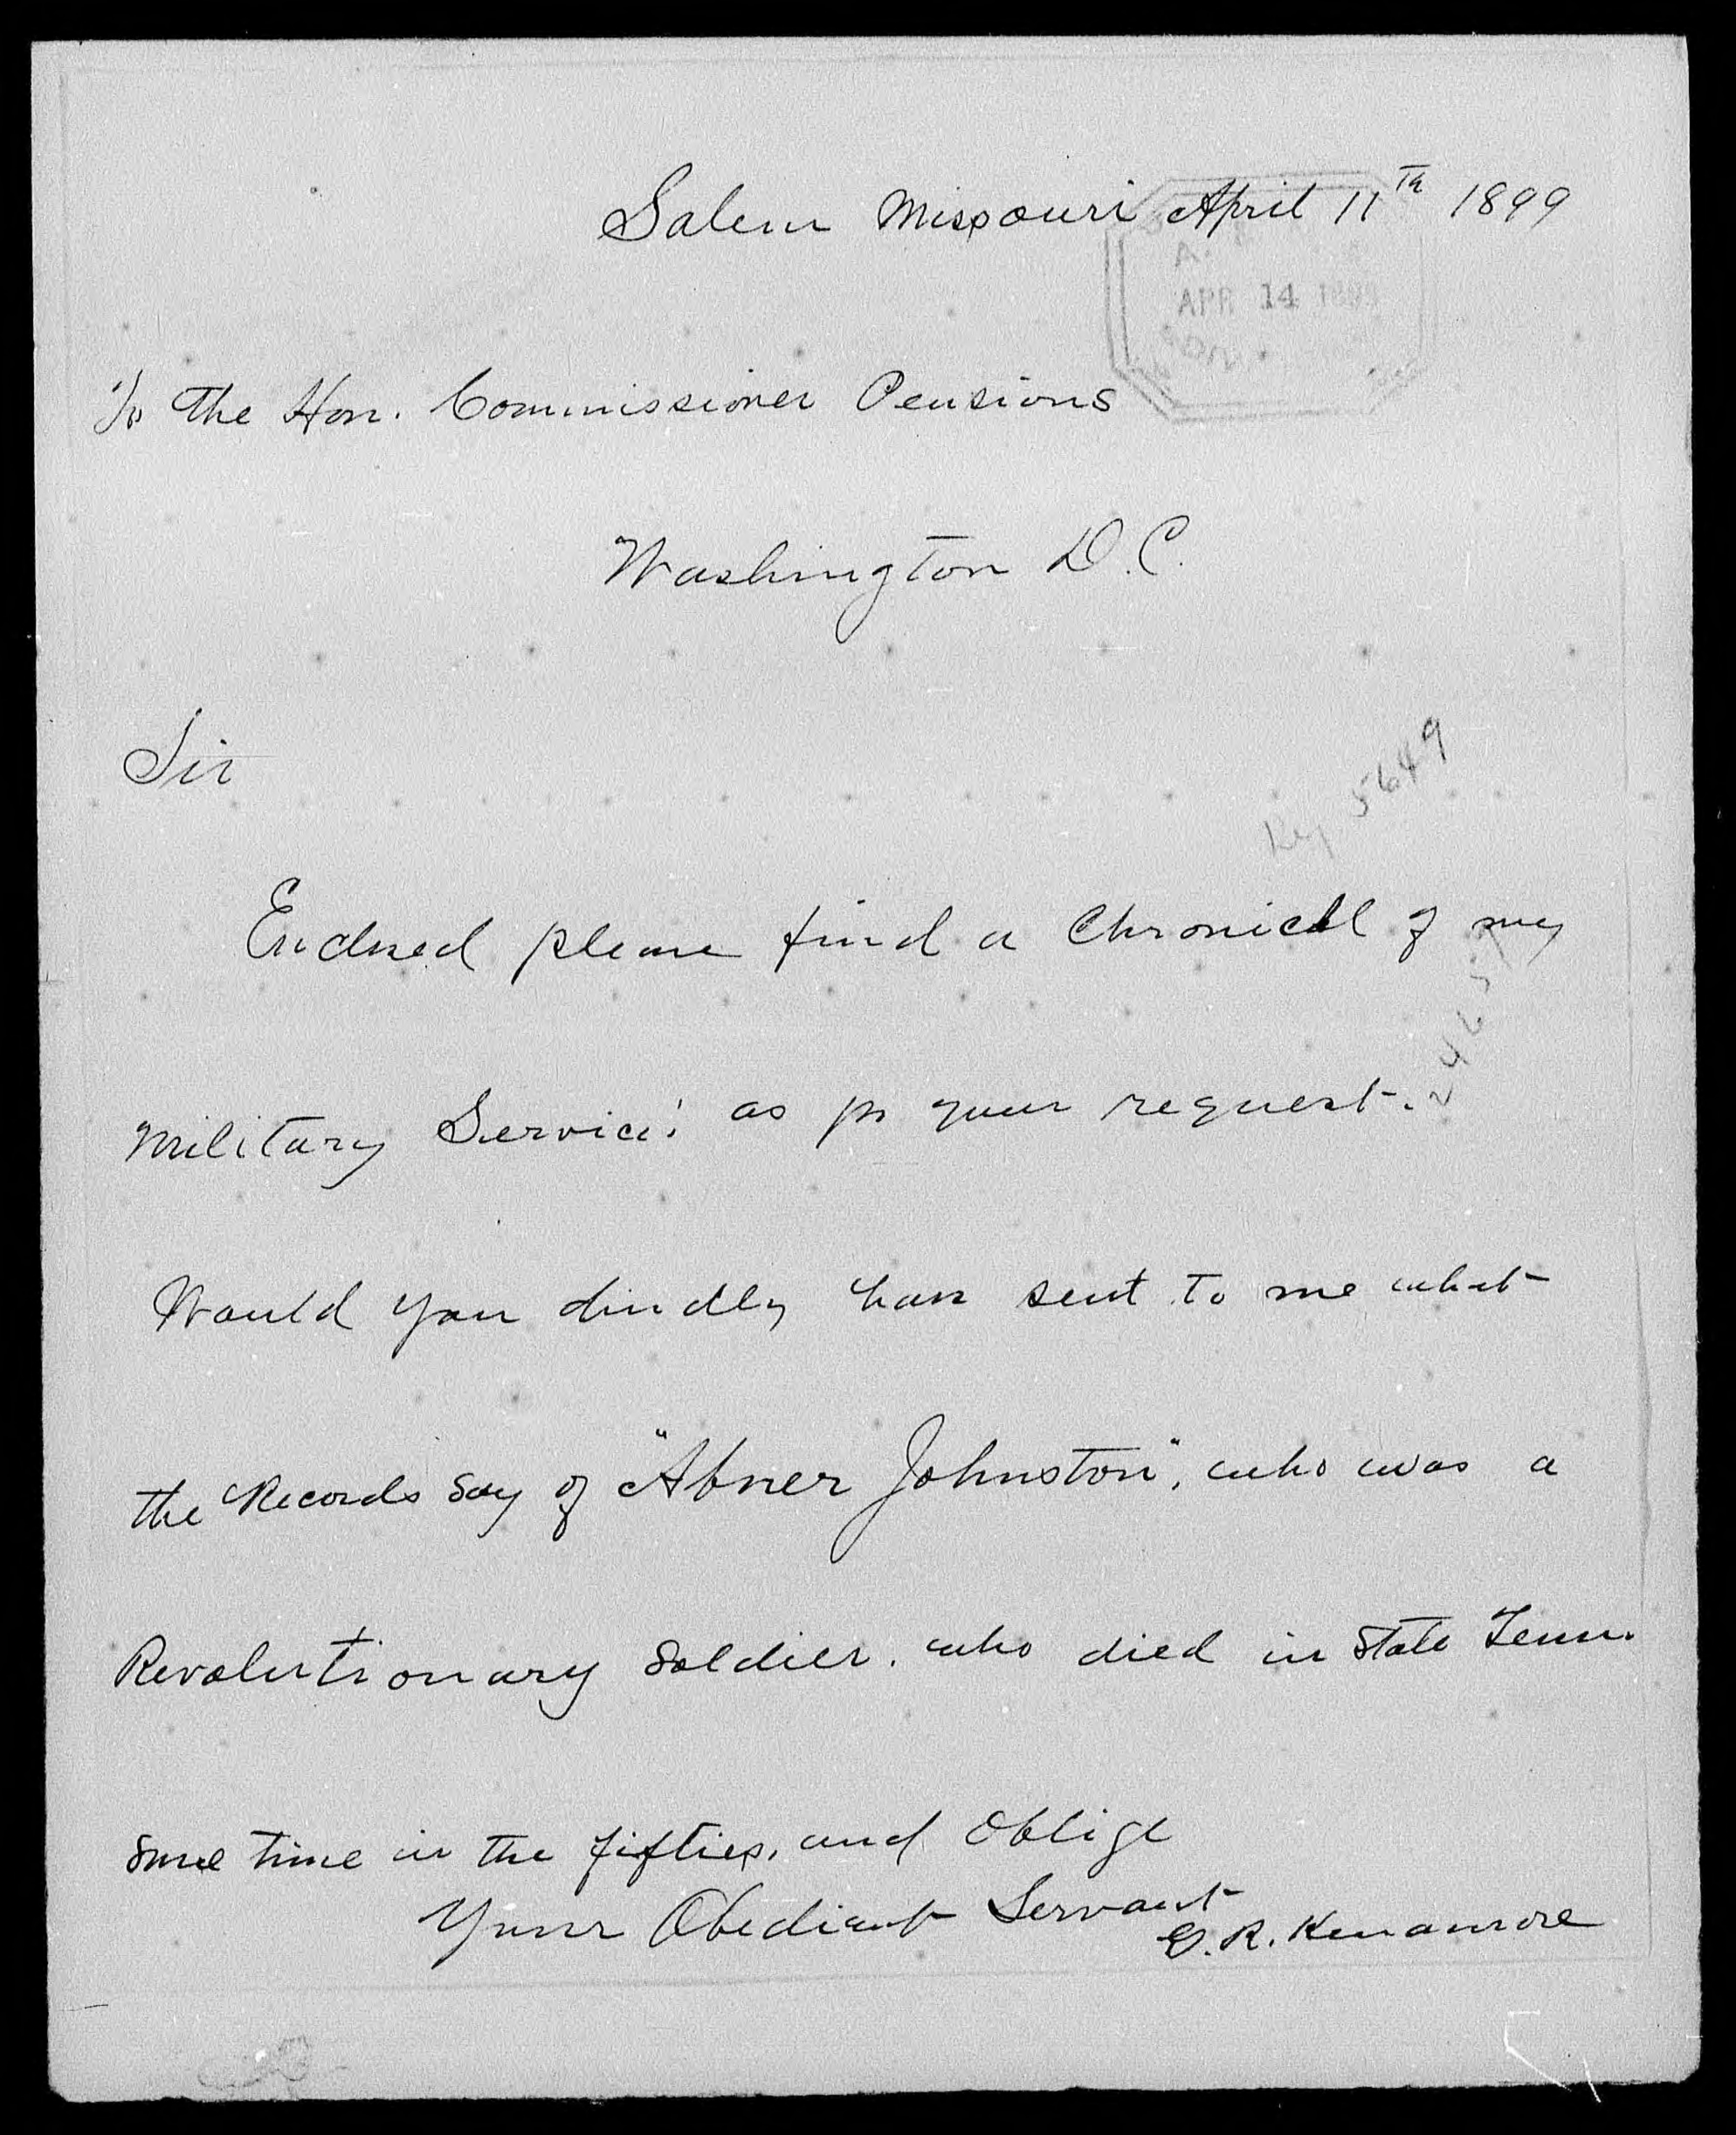(stamp)
APR 14 1899


Salem Missouri April 11th 1899

To the Hon. Commissioner Pensions
Washington D.C.

Air
     Enclosed please find a chronicle of my military service as per your request.
     Would you kindly have sent to me what the Records say of "Abner Johnston" who was a Revolutionary soldier who died in State Tenn sometime in the fifties, and oblige.
     Your obedient Servant
             G.R. Kenamore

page: 26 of 27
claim: rejected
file: R. 5649, for Abner Johnson, North Carolina